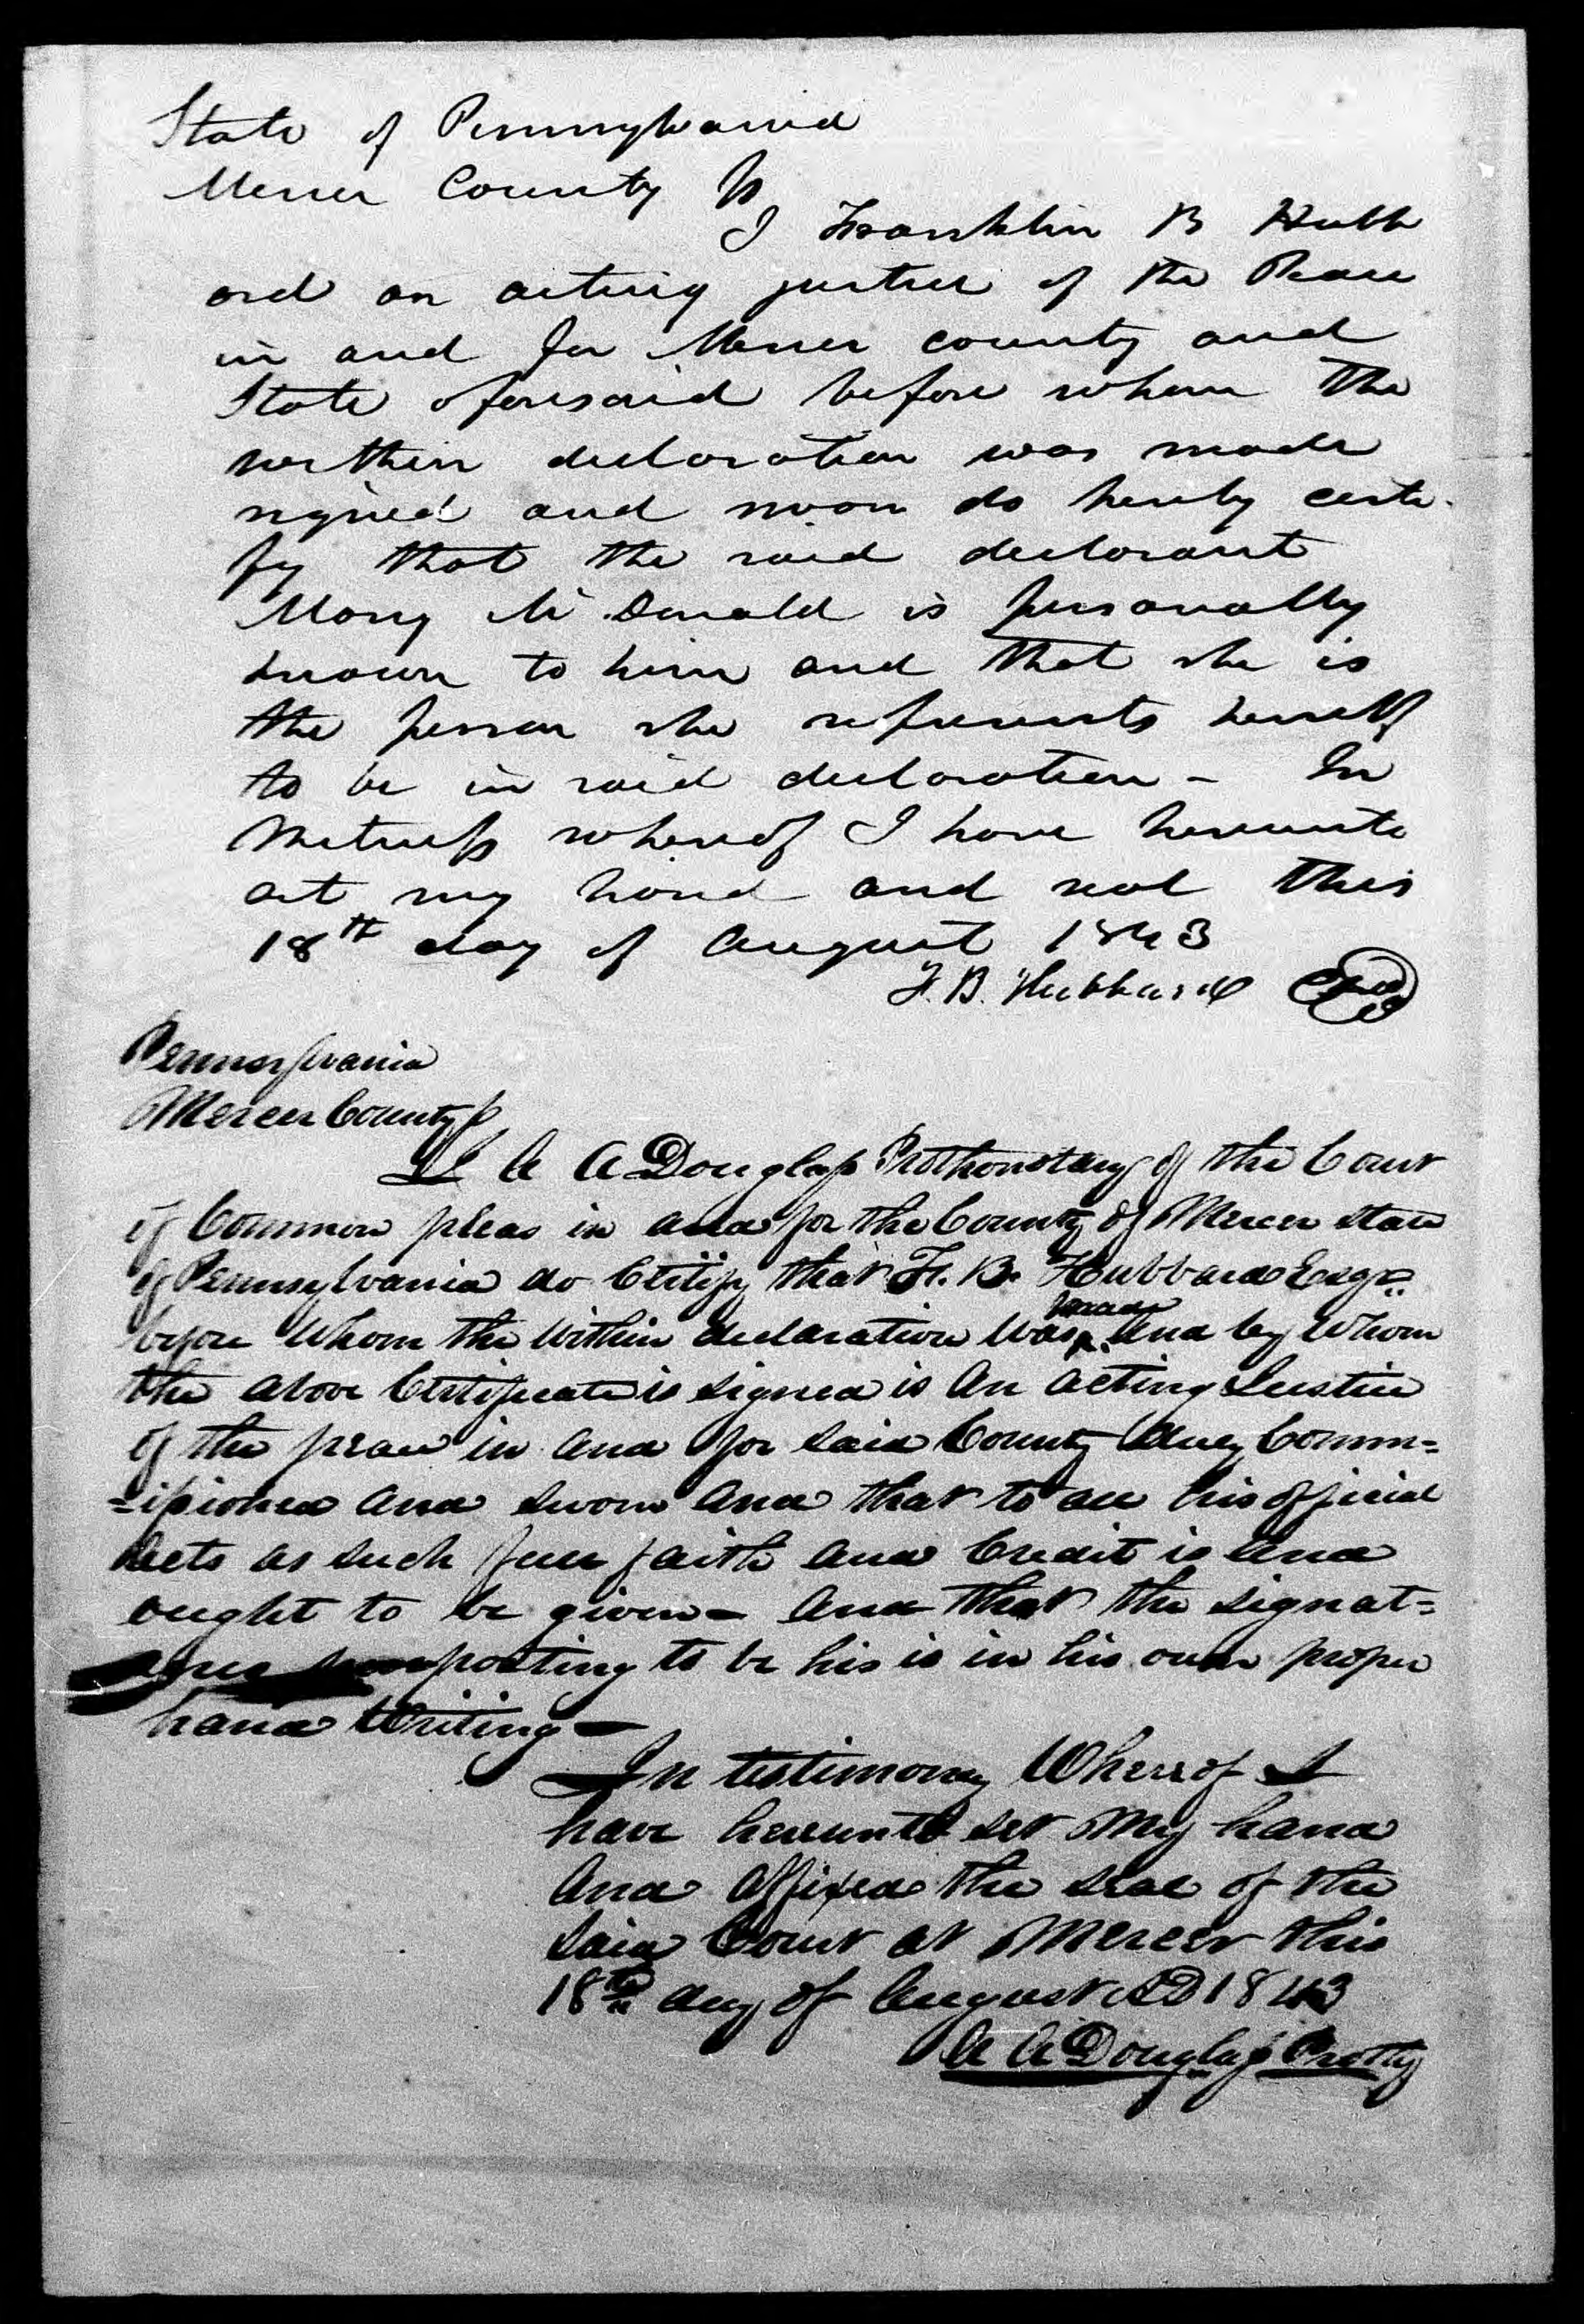State of Pennsylvania
Mercer County
I Franklin B Hubbord an acting justice of the Peace in and for Mercer county and State aforesaid before whom the within declaration was made signed and sworn do hereby certify that the said declarent Mary McDonand is personally known to him and that she is the person who deposits herself to be in said declaration. In Witness whereof I have hereunto at my hand and seal this 18th day of August 1843 J.B  Hubbard
Pennsylvania Mercer County
I A A Douglass Prothonotary of the Court of common pleas in and for the County of Mercer state  of Pennsylvania do certify that F.B. Hubbard Esq before whom the within declaration was made and by whom the above certificate is signed in an acting Justice of the Peace in and for said Countyu duly commissioned and Sworn and that to all his official aActs as such full faith and credit is and ought to be given and that the signature purporting to be his is in his own proper hand writing. In testimony Whereof I have hereunto set my hand and affixed the Seal of the said Court at Mercer this 18th day of August AD 1843 AA Douglass Prothy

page: 45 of 59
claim: widow's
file: W 3703, for Robert Mc Donald, Pennsylvania